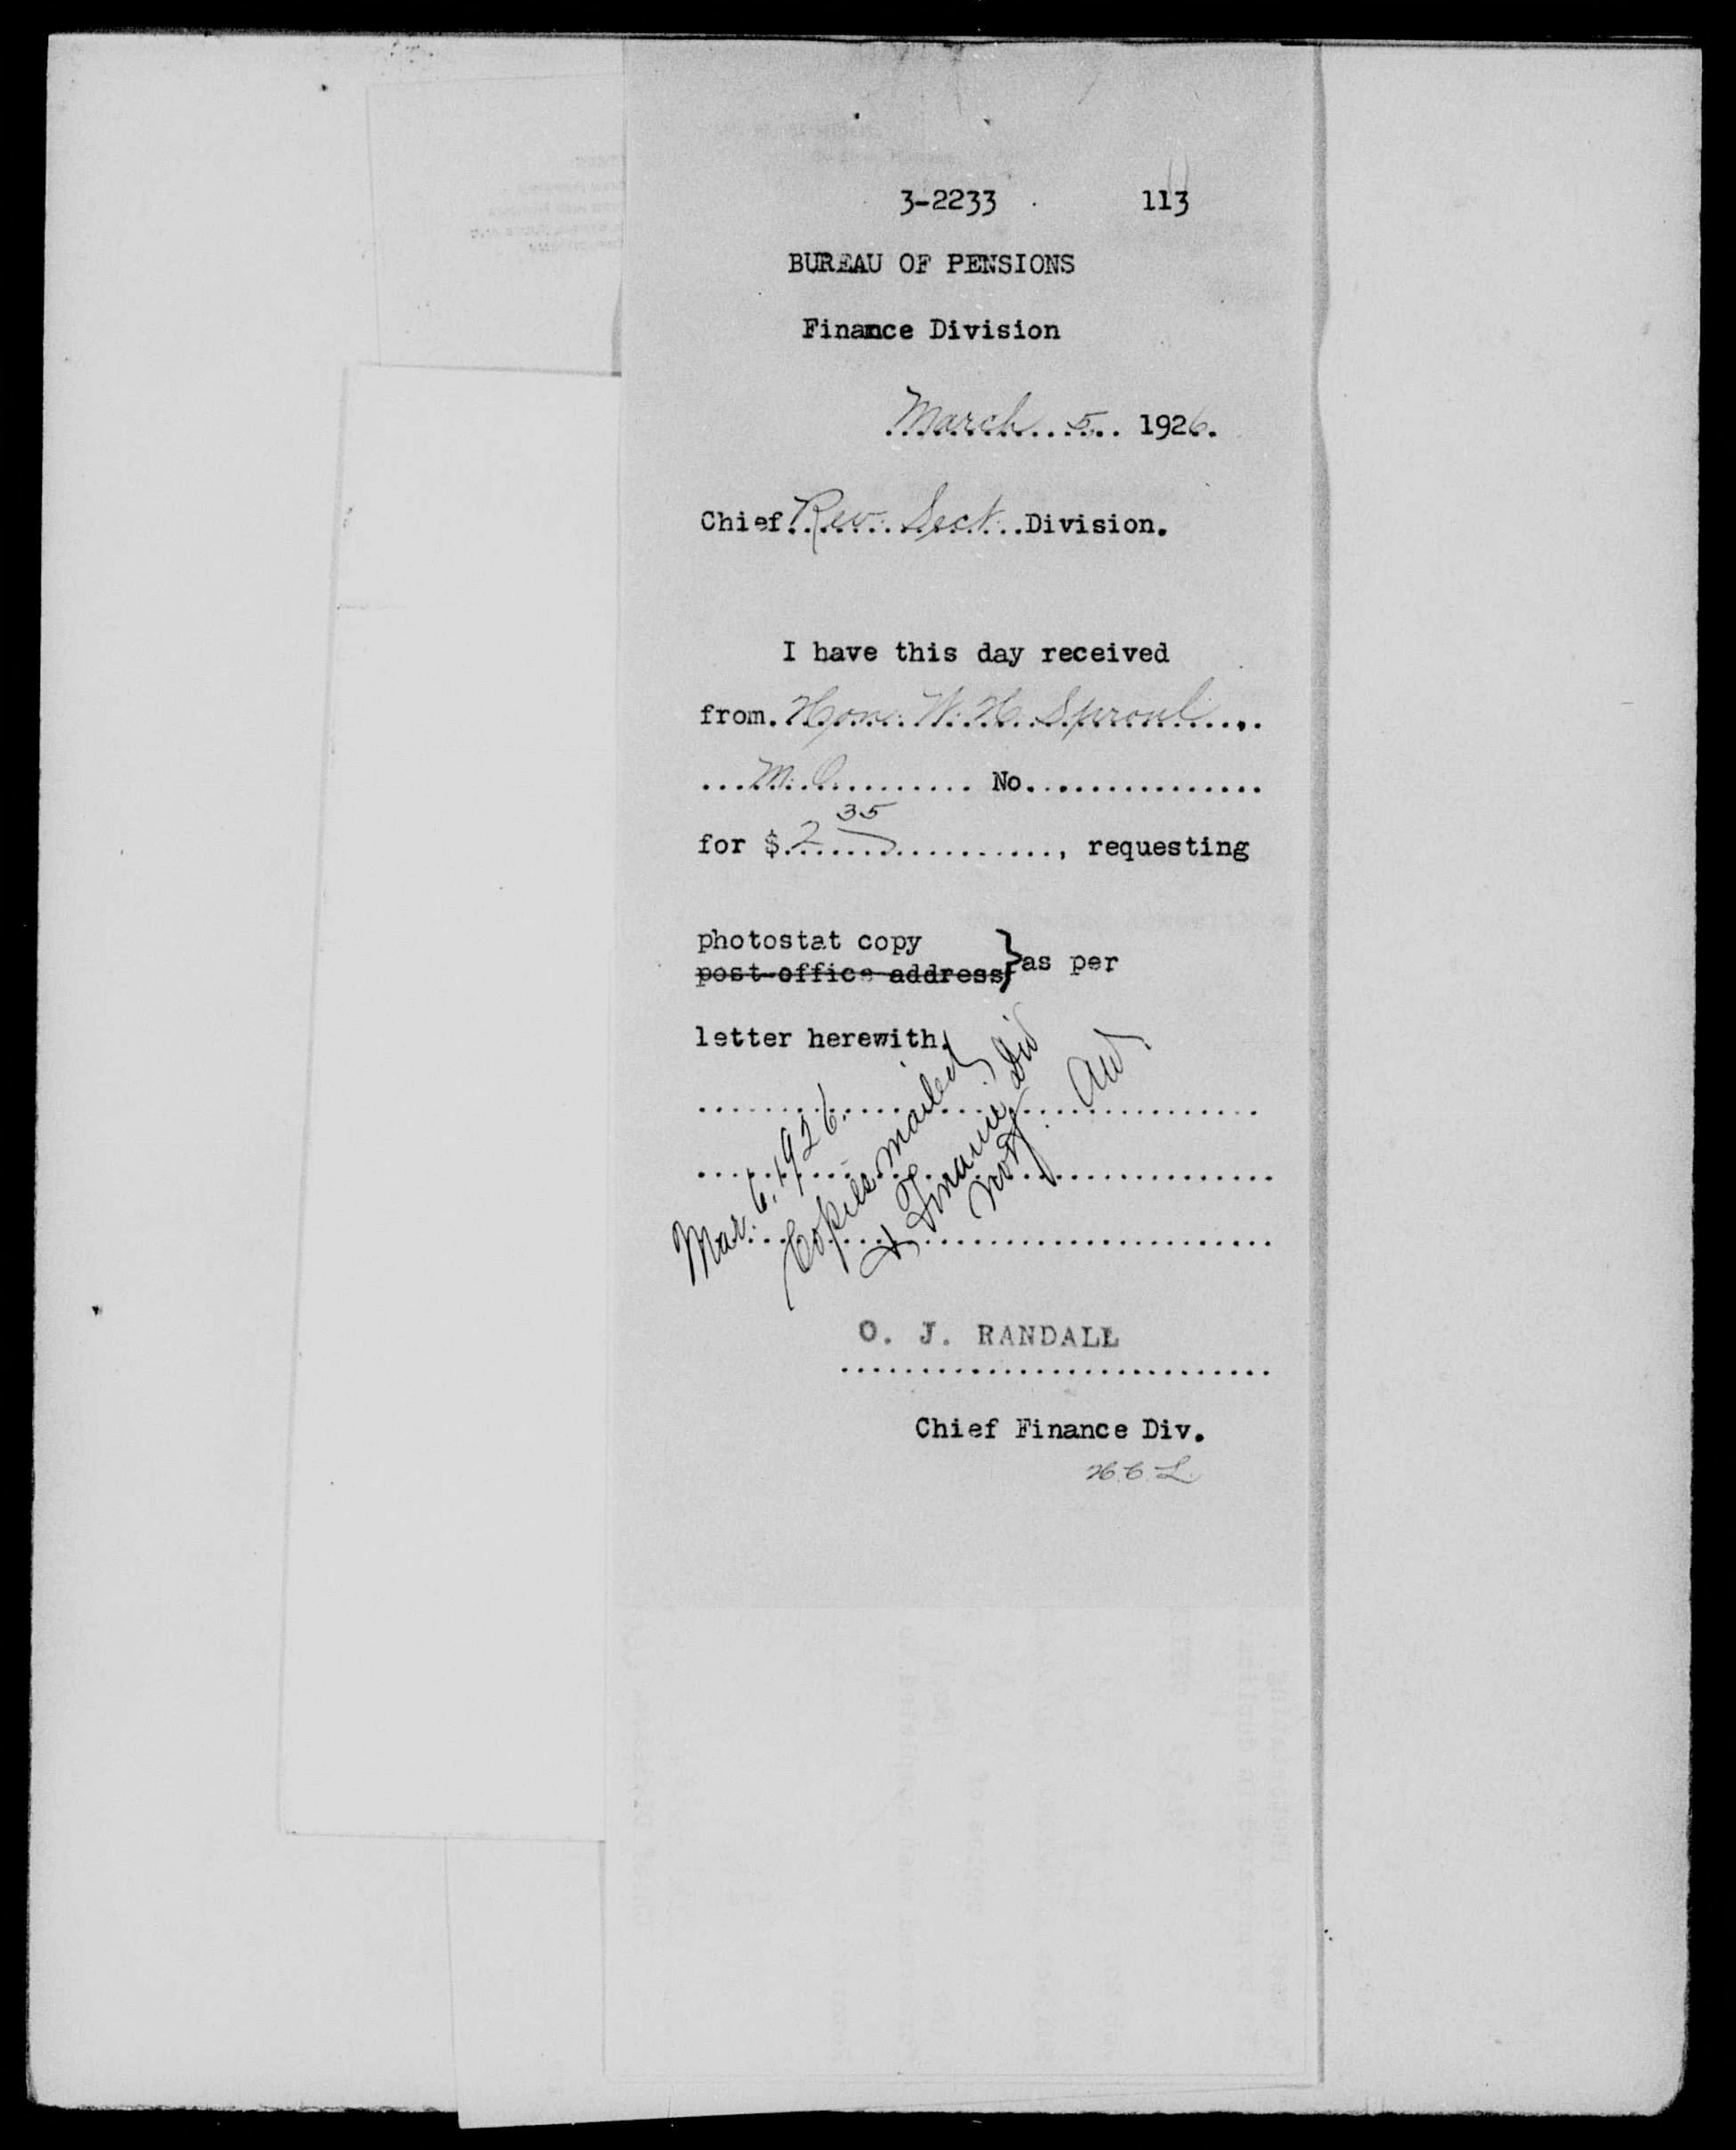3-2233 113

BUREAU OF PENSIONS
Financial Division

March 5 1926.
Chief Rev Sect Division.

I have this day received from Hon. W. H. Sproul M. O. No. [blank] for $2.35, requesting photostat copy [crossed out "post office address"] as per letter herewith.

Mar 6, 1926
Copies mailed + Finance Div [illegible] Aid

O. J. RANDALL
Chief Finance Div.
H. C. L.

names: W H Sproul, O J Randall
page: 63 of 72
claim: widow's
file: W. 7771, Stephen Holmes, Vt.